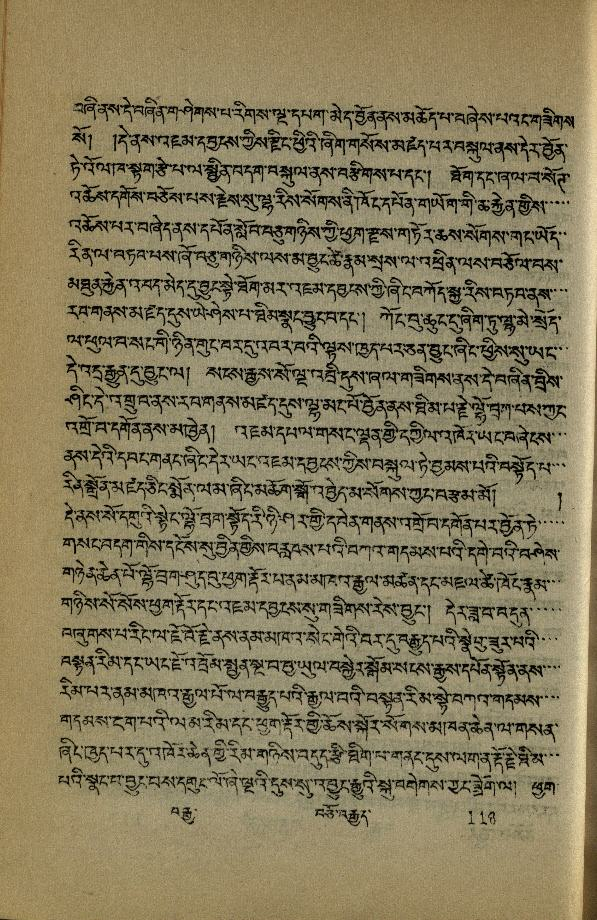བཞི་ནས་དེ་བཞིན་གཤེགས་པ་རིགས་ལྔ་དཔག་མེད་བྱོན་ནས་མཆོད་པ་བཞེས་པའང་གཟིགས་
སོ། །དེ་ནས་འཇམ་དབྱངས་ཀྱིས་རྫིང་ཕྱིའི་ཞིག་གསོས་མཛད་པར་བསྐུལ་ནས་དེར་བྱོན་
ཏེ་འོལ་ཁ་སྟག་རྩེ་པ་ལ་སྦྱིན་བདག་བསྐུལ་ནས་བརྩིགས་པ་དང་། ཐོག་དང་ཞལ་བ་སོཌ་
འཆོས་དགོས་བཅོས་པས་རྗེས་སུ་ལྷ་རིས་སོགས་ནི་ཁོང་དཔོན་གཡོག་གི་ཆ་རྐྱེན་གྱིས་
འཆོས་པར་བཞེད་ནས་དཔོན་སློབ་བཅུ་གཉིས་ཀྱི་ཕྱག་རྫས་གཏོར་ཆས་སོགས་གང་ཡོད་
རིན་ལ་བཏབ་པས་ཞོ་བཅུ་གཉིས་ལས་མ་བྱུང་ཚེ་རྣམ་སྲས་ལ་འཕྲིན་ལས་བཅོལ་བས་
མཐུན་རྐྱེན་འབད་མེད་དུ་བྱུང་སྟེ་ཐོག་མར་འཇམ་དབྱངས་ཀྱི་ཞིང་བཀོད་སྐྱ་རིས་བཏབ་ནས་
རབ་གནས་མཛད་དུས་ཡེ་ཤེས་པ་ཐིམ་སྣང་བྱུང་བ་དང་། ཀོང་བུ་ཆུང་དུ་ཞིག་ཏུ་ལྷ་མེ་སྲོད་
ལ་ཕུལ་བ་སང་གི་ཉིན་གུང་བར་དུ་འབར་བའི་ལྟས་ཁྱད་པར་ཅན་བྱུང་ཞིང་ཕྱིས་སུ་ཡང་
དེ་འདྲ་རྒྱུན་དུ་བྱུང་ལ། སངས་རྒྱས་སོ་ལྔ་འབྲི་དུས་ཞལ་གཟིགས་ནས་དེ་བཞིན་བྲིས་
ཤིང་དེ་འགྲུབ་ནས་རབ་གནས་མཛད་དུས་ལྷ་མང་པོ་བྱོན་ནས་ཐིམ་པ་རྗེ་ལྷོ་བྲག་པས་ཀྱང་
འགྲོ་བ་དགོན་ནས་མཁྱེན། འཇམ་དཔལ་གསང་ལྡན་གྱི་དཀྱིལ་འཁོར་ཡང་བཞེངས་
ནས་དེའི་དབང་གནང་ཞིང་དེར་ཡང་འཇམ་དབྱངས་ཀྱིས་བསྐུལ་ཏེ་བྱམས་པའི་བསྟོད་པ་
རིན་སྒྲོན་མཛད་ཅིང་སྨོན་ལམ་ཞིང་མཆོག་སྒོ་འབྱེད་མ་སོགས་ཀྱང་བརྩམ་མོ། །
དེ་ནས་སོ་དགུའི་སྟེང་ལྷོ་བྲག་སྟོད་རི་ཉི་ཤར་གྱི་དབེན་གནས་འགྲོ་བ་དགོན་པར་བྱོན་ཏེ་
གསང་བདག་གིས་དངོས་སུ་བྱིན་གྱིས་བརླབས་པའི་བཀའ་གདམས་པའི་དགེ་བའི་བཤེས་
གཉེན་ཆེན་པོ་ལྷོ་བྲག་ཤུད་བུ་ཕྱག་རྡོར་པ་ནམ་མཁའ་རྒྱལ་མཚན་དང་མཇལ་ཚེ་ཁོང་རྣམ་
གཉིས་སོ་སོས་ཕྱག་རྡོར་དང་འཇམ་དབྱངས་སུ་གཟིགས་རེས་བྱུང་། དེར་ཟླ་བ་བདུན་
བཞུགས་པ་རིང་ལ་ཇོ་བོ་རྗེ་ནས་ནམ་མཁའ་སེང་གེའི་བར་དུ་བརྒྱུད་པའི་སྣེ་བུ་ཟུར་པའི་
བསྟན་རིན་དང་ཡང་ཇོ་འབྲོམ་སྤྱན་སྔ་བ་བྱ་ཡུལ་བསྐྱེར་སྒོམ་སངས་རྒྱས་དཔོན་སྟོན་ནས་
རིམ་པར་ནམ་མཁའ་རྒྱལ་པོ་ལ་བརྒྱུད་པའི་རྒྱལ་བའི་བསྟན་རིམ་སྟེ་བཀའ་གདམས་
གདམས་ངག་པའི་ལམ་རིམ་དང་ཕྱག་རྡོར་གྱི་ཆོས་སྐོར་སོགས་མཁན་ཆེན་ལ་གསན་
ཞིང་ཁྱད་པར་དུ་འཁོར་ཆེན་གྱི་རིམ་གཉིས་བདུད་རྩི་ཐིག་པ་གནང་དུས་ལག་ན་རྡོ་རྗེ་ཐིམ་
པའི་སྣང་བ་བྱུང་བས་དགུང་ལོ་ཞེ་ལྔའི་དུས་སུ་འབྱུང་རྒྱུའི་སྐུ་བགེགས་ཀྱང་ཟློག་ལ། ཕྱག་